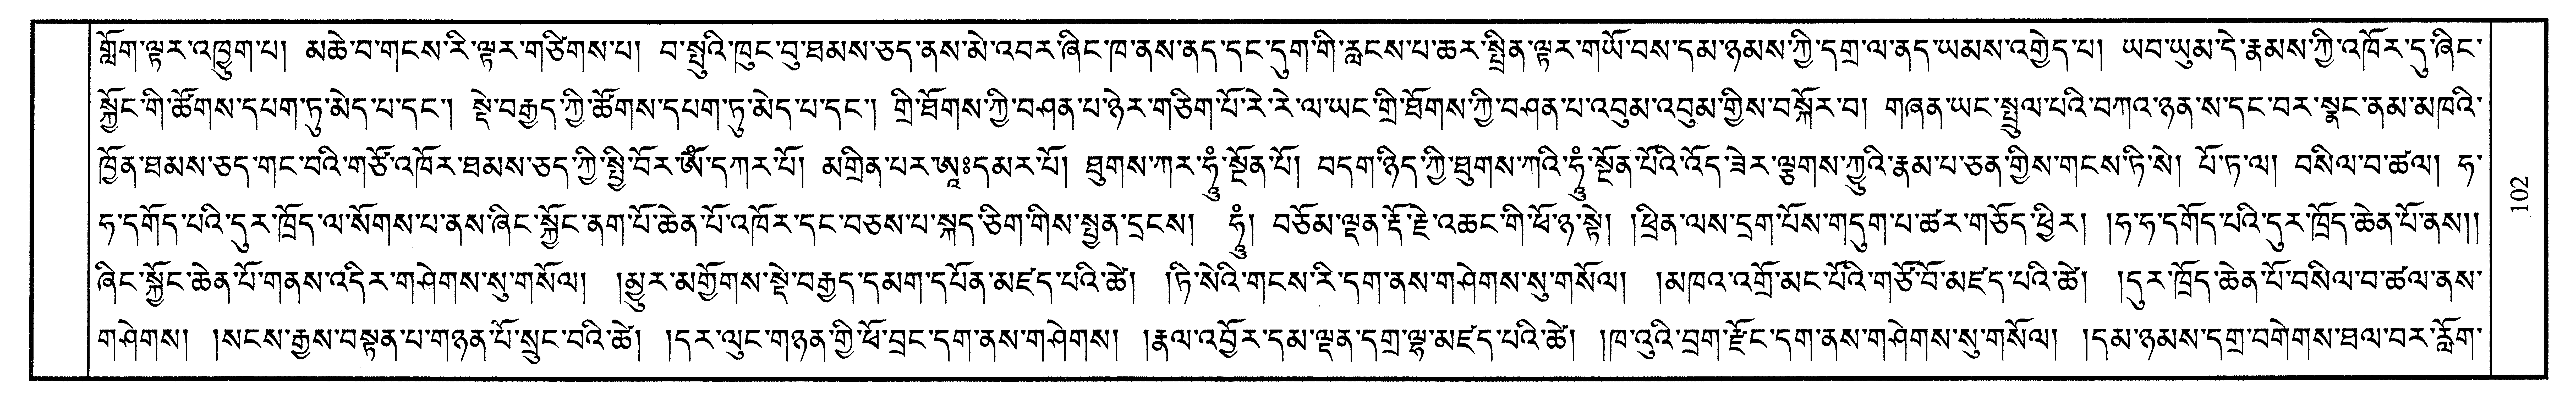གློག་ལྟར་འཁྱུག་པ། མཆེ་བ་གངས་རི་ལྟར་གཙིགས་པ། བ་སྤུའི་ཁུང་བུ་ཐམས་ཅད་ནས་མེ་འབར་ཞིང་ཁ་ནས་ནད་དང་དུག་གི་རླངས་པ་ཆར་སྤྲིན་ལྟར་གཡོ་བས་དམ་ཉམས་ཀྱི་དགྲ་ལ་ནད་ཡམས་འགྱེད་པ། ཡབ་ཡུམ་དེ་རྣམས་ཀྱི་འཁོར་དུ་ཞིང་
སྐྱོང་གི་ཚོགས་དཔག་ཏུ་མེད་པ་དང་། སྡེ་བརྒྱད་ཀྱི་ཚོགས་དཔག་ཏུ་མེད་པ་དང་། གྲི་ཐོགས་ཀྱི་བཤན་པ་ཉེར་གཅིག་པོ་རེ་རེ་ལ་ཡང་གྲི་ཐོགས་ཀྱི་བཤན་པ་འབུམ་འབུམ་གྱིས་བསྐོར་བ། གཞན་ཡང་སྤྲུལ་པའི་བཀའ་ཉན་ས་དང་བར་སྣང་ནམ་མཁའི་
ཁྱོན་ཐམས་ཅད་གང་བའི་གཙོ་འཁོར་ཐམས་ཅད་ཀྱི་སྤྱི་བོར་ཨོཾ་དཀར་པོ། མགྲིན་པར་ཨཱཿ དམར་པོ། ཐུགས་ཀར་ཧཱུཾ་སྔོན་པོ། བདག་ཉིད་ཀྱི་ཐུགས་ཀའི་ཧཱུཾ་སྔོན་པོའི་འོད་ཟེར་ལྕགས་ཀྱུའི་རྣམ་པ་ཅན་གྱིས་གངས་ཏི་སེ། པོ་ཏ་ལ། བསིལ་བ་ཚལ། ཧ་
ཧ་དགོད་པའི་དུར་ཁྲོད་ལ་སོགས་པ་ནས་ཞིང་སྐྱོང་ནག་པོ་ཆེན་པོ་འཁོར་དང་བཅས་པ་སྐད་ཅིག་གིས་སྤྱན་དྲངས། ཧཱུཾ། བཅོམ་ལྡན་རྡོ་རྗེ་འཆང་གི་ཕོ་ཉ་སྟེ། །ཕྲིན་ལས་དྲག་པོས་གདུག་པ་ཚར་གཅོད་ཕྱིར། །ཧ་ཧ་དགོད་པའི་དུར་ཁྲོད་ཆེན་པོ་ནས།།
ཞིང་སྐྱོང་ཆེན་པོ་གནས་འདིར་གཤེགས་སུ་གསོལ། །མྱུར་མགྱོགས་སྡེ་བརྒྱད་དམག་དཔོན་མཛད་པའི་ཚེ། །ཏི་སེའི་གངས་རི་དག་ནས་གཤེགས་སུ་གསོལ། །མཁའ་འགྲོ་མང་པོའི་གཙོ་བོ་མཛད་པའི་ཚེ། །དུར་ཁྲོད་ཆེན་པོ་བསིལ་བ་ཚལ་ནས་
གཤེགས། །སངས་རྒྱས་བསྟན་པ་གཉན་པོ་སྲུང་བའི་ཚེ། །དར་ལུང་གཉན་གྱི་ཕོ་བྲང་དག་ནས་གཤེགས། །རྣལ་འབྱོར་དམ་ལྡན་དགྲ་ལྷ་མཛད་པའི་ཚེ། །ཁ་འུའི་བྲག་རྫོང་དག་ནས་གཤེགས་སུ་གསོལ། །དམ་ཉམས་དགྲ་བགེགས་ཐལ་བར་རློག་